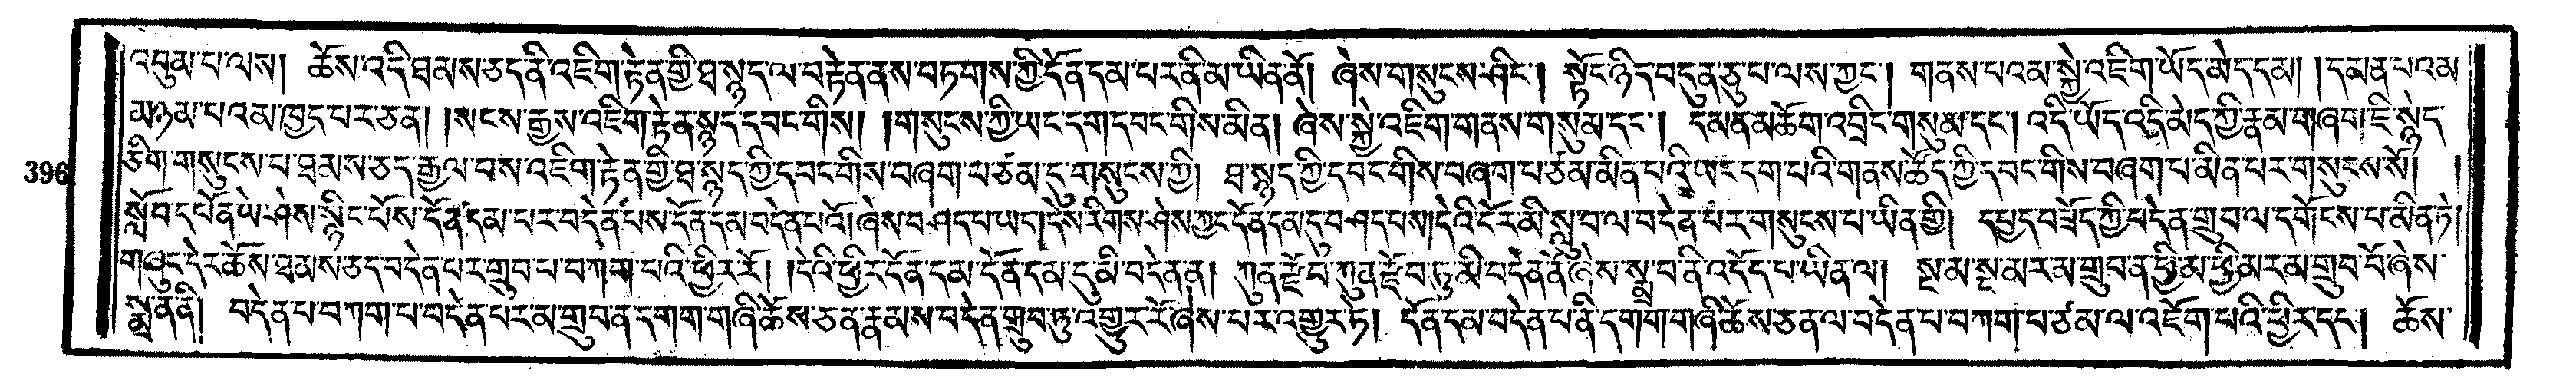འབུམ་པ་ལས། ཆོས་འདི་ཐམས་ཅད་ནི་འཇིག་རྟེན་གྱི་ཐ་སྙད་ལ་བརྟེན་ནས་བཏགས་ཀྱི་དོན་དམ་པར་ནི་མ་ཡིན་ནོ། །ཞེས་གསུནས་ཤིང་། །སྟོང་ཉིད་བདུན་ཅུ་པ་ལས་ཀྱང་། གནས་པའམ་སྐྱེ་འཇིག་ཡོད་མེད་དམ། །དམན་པའམ་
མཉམ་པའམ་ཁྱད་པར་ཅན། སངས་རྒྱས་ཅན། སངས་རྒྱས་འཇིག་རྟེན་སཉད་དབང་གིས། །གསུངས་ཀྱི་ཡང་དག་དབང་གིས་མིན། ཞེས་སྐྱེ་འཇིག་གནས་གསུམ་དང་། དམ་ན་མཆོག་འབྲིང་གསུམ་དང་། འདི་ཡིད་འདི་མེད་ཀྱི་རྣམ་གཞག་ཇི་སྙེད་
ཅིག་གསུངས་པ་ཐམས་ཅད་རྒྱལ་པས་འཇིག་རྟེན་གྱི་ཐ་སྙད་ཀྱི་དབང་གིས་བཞག་པ་ཙམ་དུ་གསུངས་ཀྱི། ཐ་སྙད་ཀྱི་དབང་གིས་བཞག་པ་ཙམ་མིན་པའི་ཡང་དག་པའི་གནས་ཚོད་ཀྱི་དབང་གིས་བཞག་པ་མིན་པར་གསུངས་ས་
སློབ་དཔོན་ཡེ་ཤེས་སྙིང་པོས་དོན་དམ་པར་བདེན་པས་དོན་དམ་བདེན་པའོ། ཞེས་བཤད་པ་ཡང་། དེས་རིགས་ཤེས་ཀྱང་དོན་དམ་དུ་བཤད་པས། དེའི་ངོར་མི་སླུ་བ་ལ་བདེན་པར་གསུངས་པ་ཡིན་གྱི། དཔྱད་བཟོད་ཀྱི་བདེན་གྲུབ་ལ་དགོངས་པ་མིན་ཏེ།
གཞུང་དེར་ཆོས་ཐམས་ཅད་བདེན་པར་གྲུབ་པ་བཀག་པའི་ཕྱིར་རོ། །དེའི་ཕྱིར་དོན་དམ་དོན་དམ་དུ་མི་བདེན་ན། ཀུན་རྫོབ་ཀུན་རྫོབ་ཏུ་མི་བདེན་ནོ་ཞེས་སྨྲ་བ་ནི་འདོད་པ་ཡིན་ལ། སྔ་མ་སྔ་མར་མ་གྲུབ་ན་ཕྱི་མ་ཕྱི་མར་མ་གྲུབ་བོ་ཞེས་
སྨྲ་ན་ནི། བདེན་པ་བཀག་པ་བདེན་པར་མ་གྲུབ་ན་དགག་གཞི་ཆོས་ཅན་རྣམས་བདེན་གྲུབ་ཏུ་འགྱུར་རོ་ཞེས་པར་འགྱུར་ཏེ། དོན་དམ་བདེན་པ་ནི་དགག་གཞི་ཆོས་ཅན་ལ་བདེན་པ་བཀག་པ་ཙམ་ལ་འཇོག་པའི་ཕྱིར་དང་། ཆོས་